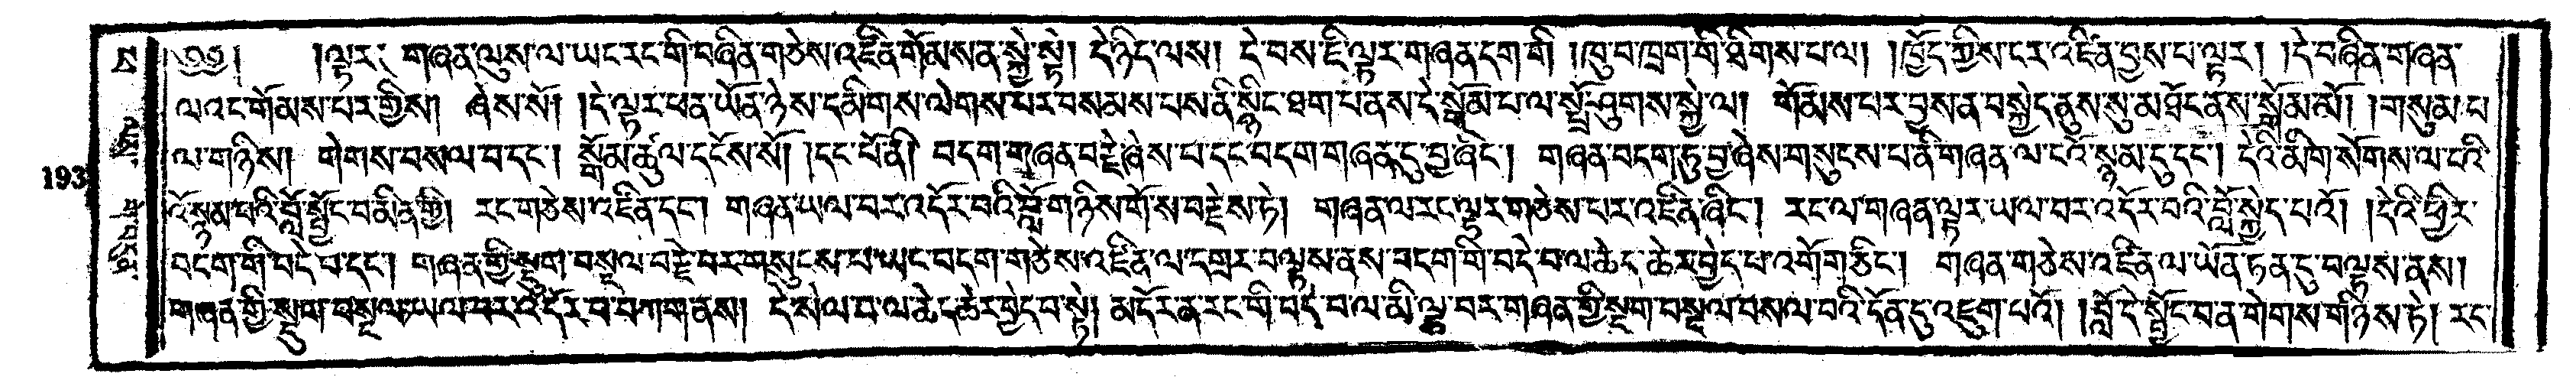༄༅། །ལྟར༑ གཞན་ལུས་ལ་ཡང་རང་གི་བཞིན་གཅེས་འཛིན་གོམས་ན་སྐྱེ་སྟེ། དེ་ཉིད་ལས། དེ་བས་ཇི་ལྟར་གཞན་དག་གི །ཁུ་བ་ཁྲག་གི་ཐིགས་པ་ལ། །ཁྱོད་ཀྱིས་ངར་འཛིན་བྱས་པ་ལྟར། །དེ་བཞིན་གཞན་
ལའང་གོམས་པར་གྱིས། ཞེས་སོ། །དེ་ལྟར་ཕན་ཡོན་ཉེས་དམིགས་ལེགས་པར་བསམས་པས་ནི་སྙིང་ཐག་པ་ནས་དེ་སྒོམ་པ་ལ་སྤྲོ་ཤུགས་སྐྱེ་ལ། གོམས་པར་བྱས་ན་བསྐྱེད་ནུས་སུ་མཐོང་ནས་སྒོམ་མོ། །གསུམ་པ་
ལ་གཉིས། གེགས་བསལ་བ་དང་། སྒོམ་ཚུལ་དངོས་སོ། །དང་པོ་ནི། བདག་གཞན་བརྗེ་ཞེས་པ་དང་བདག་གཞན་དུ་བྱ་ཞིང་། གཞན་བདག་ཏུ་བྱ་ཞེས་གསུངས་པ་ནི་གཞན་ལ་ངའོ་སྙམ་དུ་དང་། དེའི་མིག་སོགས་ལ་ངའི་
འོ་སྙམ་པའི་བློ་སྦྱོང་བ་མིན་གྱི། རང་གཅེས་འཛིན་དང་། གཞན་ཡལ་བར་འདོར་བའི་བློ་གཉིས་གོ་ས་བརྗེས་ཏེ། གཞན་ལ་རང་ལྟར་གཅེས་པར་འཛིན་ཞིང་། རང་ལ་གཞན་ལྟར་ཡལ་བར་འདོར་བའི་བློ་སྐྱེད་པའོ། །དེའི་ཕྱིར་
བདག་གི་བདེ་བ་དང་། གཞན་གྱི་སྡུག་བསྔལ་བརྗེ་བར་གསུངས་པ་ཡང་བདག་གཅེས་འཛིན་ལ་དགྲར་བལྟས་ནས་བདག་གི་བདེ་བ་ལ་ཆེད་ཆེད་བྱེད་པ་འགོག་ཅིང་། གཞན་གཅེས་འཛིན་ལ་ཡོན་ཏན་དུ་བལྟས་ནས།
གཞན་གྱི་སྡུག་བསྔལ་ཡལ་བར་འདོར་བ་བཀག་ནས། དེ་སེལ་བ་ལ་ཆེད་ཆེར་བྱེད་བ་སྟེ། མདོར་ན་རང་གི་བདེ་བ་ལ་མི་ལྟ་བར་གཞན་གྱི་སྡུག་བསྔལ་བསལ་བའི་དོན་དུ་འཇུག་པའོ། །བློ་དེ་སྦྱོང་བ་ན་གེགས་གཉིས་ཏེ། རང་